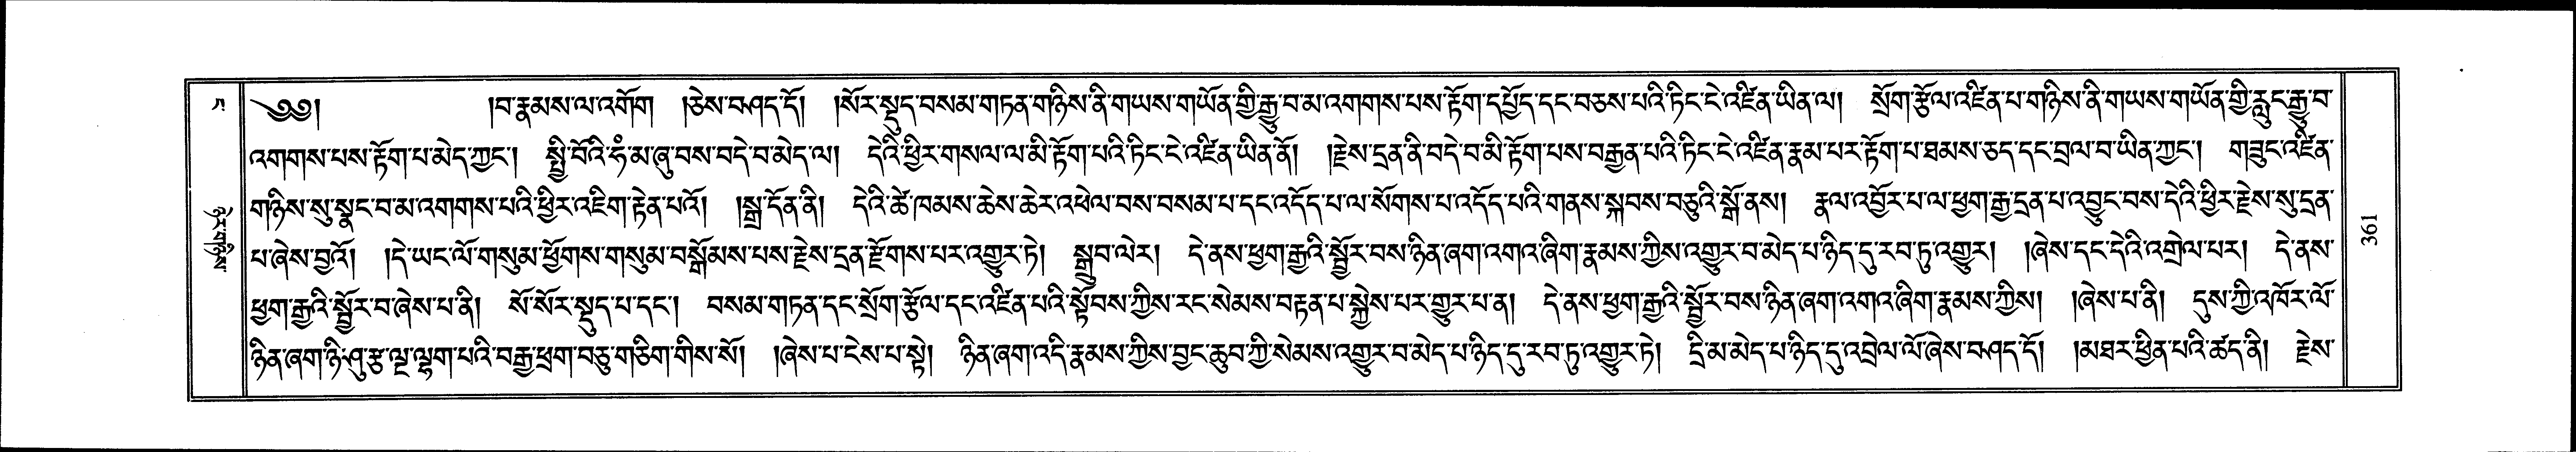༄༅། །བ་རྣམས་ལ་འགོག །ཅེས་བཤད་དོ། །སོར་སྡུད་བསམ་གཏན་གཉིས་ནི་གཡས་གཡོན་གྱི་རྒྱུ་བ་མ་འགགས་པས་རྟོག་དཔྱོད་དང་བཅས་པའི་ཏིང་ངེ་འཛིན་ཡིན་ལ། སྲོག་རྩོལ་འཛིན་པ་གཉིས་ནི་གཡས་གཡོན་གྱི་རླུང་རྒྱུ་བ་
འགགས་པས་རྟོག་པ་མེད་ཀྱང་། སྤྱི་བོའི་ཧཾ་མ་ཞུ་བས་བདེ་བ་མེད་ལ། དེའི་ཕྱིར་གསལ་ལ་མི་རྟོག་པའི་ཏིང་ངེ་འཛིན་ཡིན་ནོ། །རྗེས་དྲན་ནི་བདེ་བ་མི་རྟོག་པས་བརྒྱན་པའི་ཏིང་ངེ་འཛིན་རྣམ་པར་རྟོག་པ་ཐམས་ཅད་དང་བྲལ་བ་ཡིན་ཀྱང་། གཟུང་འཛིན་
གཉིས་སུ་སྣང་བ་མ་འགགས་པའི་ཕྱིར་འཇིག་རྟེན་པའོ། །སྒྲ་དོན་ནི། དེའི་ཚེ་ཁམས་ཆེས་ཆེར་འཕེལ་བས་བསམ་པ་དང་འདོད་པ་ལ་སོགས་པ་འདོད་པའི་གནས་སྐབས་བཅུའི་སྒོ་ནས། རྣལ་འབྱོར་པ་ལ་ཕྱག་རྒྱ་དྲན་པ་འབྱུང་བས་དེའི་ཕྱིར་རྗེས་སུ་དྲན་
པ་ཞེས་བྱའོ། །དེ་ཡང་ལོ་གསུམ་ཕྱོགས་གསུམ་བསྒོམས་པས་རྗེས་དྲན་རྫོགས་པར་འགྱུར་ཏེ། སྒྲུབ་ལེར། དེ་ནས་ཕྱག་རྒྱའི་སྦྱོར་བས་ཉིན་ཞག་འགའ་ཞིག་རྣམས་ཀྱིས་འགྱུར་བ་མེད་པ་ཉིད་དུ་རབ་ཏུ་འགྱུར། །ཞེས་དང་དེའི་འགྲེལ་པར། དེ་ནས་
ཕྱག་རྒྱའི་སྦྱོར་བ་ཞེས་པ་ནི། སོ་སོར་སྡུད་པ་དང་། བསམ་གཏན་དང་སྲོག་རྩོལ་དང་འཛིན་པའི་སྟོབས་ཀྱིས་རང་སེམས་བརྟན་པ་སྐྱེས་པར་གྱུར་པ་ན། དེ་ནས་ཕྱག་རྒྱའི་སྦྱོར་བས་ཉིན་ཞག་འགའ་ཞིག་རྣམས་ཀྱིས། །ཞེས་པ་ནི། དུས་ཀྱི་འཁོར་ལོ་
ཉིན་ཞག་ཉི་ཤུ་རྩ་ལྔ་ལྷག་པའི་བརྒྱ་ཕྲག་བཅུ་གཅིག་གིས་སོ། །ཞེས་པ་ངེས་པ་སྟེ། ཉིན་ཞག་འདི་རྣམས་ཀྱིས་བྱང་ཆུབ་ཀྱི་སེམས་འགྱུར་བ་མེད་པ་ཉིད་དུ་རབ་ཏུ་འགྱུར་ཏེ། དྲི་མ་མེད་པ་ཉིད་དུ་འབྲེལ་ལོ་ཞེས་བཤད་དོ། །མཐར་ཕྱིན་པའི་ཚད་ནི། རྗེས་